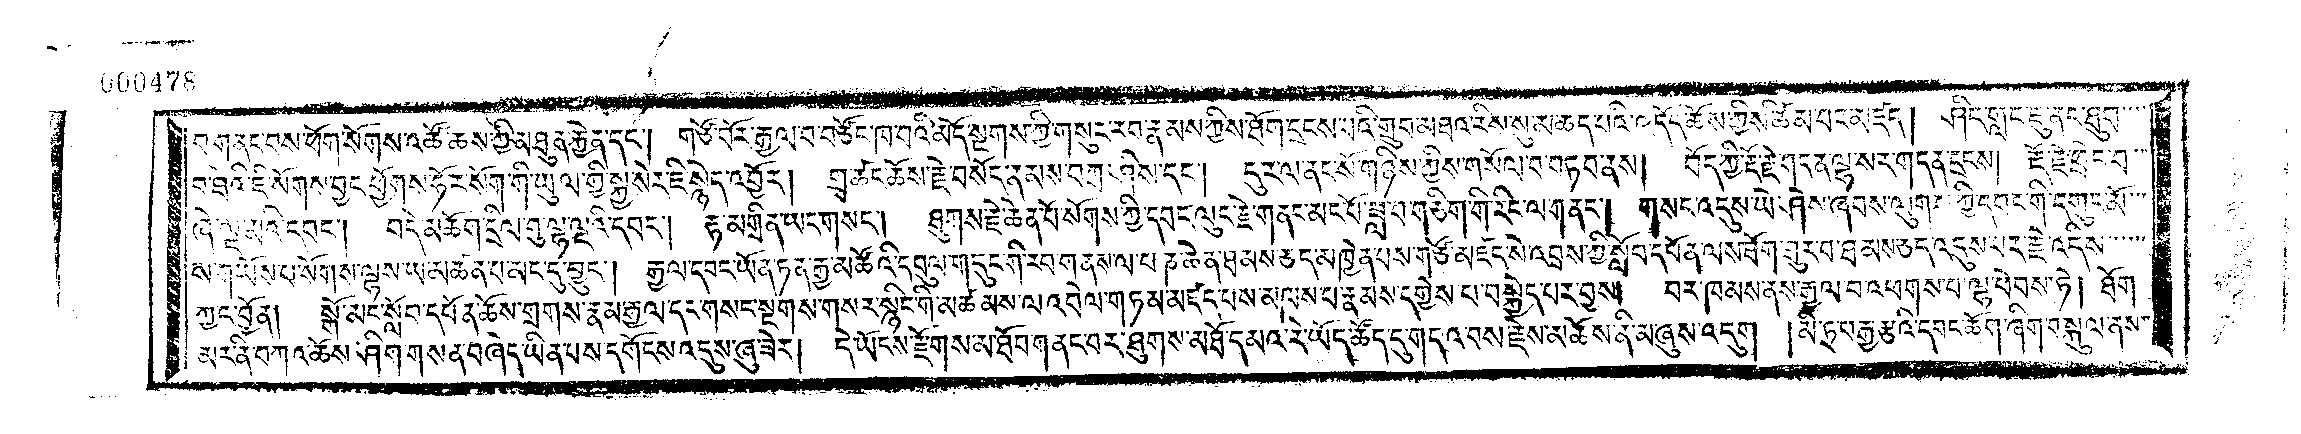བ་གནང་བས་ཕོག་སོགས་འཚོ་ཆས་ཀྱི་མཐུན་རྐྱེན་དང་། གཙོ་བོར་རྒྱལ་བ་བཙོང་ཁ་པའི་མདོ་སྔགས་ཀྱི་གསུང་རབ་རྣམས་ཀྱིས་ཐོག་དྲངས་པའི་གྲུབ་མཐའ་རིས་སུ་མ་ཆད་བའི་འདོད་ཆོས་ཀྱིས་ཚིམ་བར་མཛད། ཤིང་གླང་ཇུ་ནང་ཐུབ་
པ་ཐེའི་ཇི་སོགས་བྱང་ཕྱོགས་ཧོར་སོག་གི་ཡུལ་གྱི་སྐྱ་སེར་ཇི་སྙེད་འབྱོར། གྲྭ་ཚང་ཆོས་རྗེ་བསོད་ནམས་བཀྲ་ཤིས་དང་། དུ་རལ་ནང་སོ་གཉིས་ཀྱིས་གསོལ་བ་བཏབ་ནས། བོད་ཀྱི་རྡོ་རྗེ་གདན་ལྷ་སར་གདན་དྲངས། རྡོ་རྗེ་ཕྲེང་བ་
ཞེ་ལྔ་མའི་དབང་། བདེ་མཆོག་དྲིལ་བུ་ལྷ་ལྔའི་དབང་། རྟ་མགྲིན་ཡང་གསང་། ཐུགས་རྗེ་ཆེན་པོ་སོགས་ཀྱི་དབང་ལུང་རྗེ་གནང་མང་པོ་ཟླ་བ་གཅིག་གི་རིང་ལ་གནང་། གསང་འདུས་ཡེ་ཤེས་ཞབས་ལུགས་ཀྱི་དབང་གི་དགུང་མོ་
ས་གཡོས་པ་སོགས་ལྟས་ཡ་མཚན་པ་མང་དུ་བྱུང་། རྒྱལ་དབང་ཡོན་ཏན་རྒྱ་མཚོའི་དངུལ་གདུང་གི་རབ་གནས་ལ་པཎ་ཆེན་ཐམས་ཅད་མཁྱེན་པས་གཙོ་མཛད་སེ་འབྲས་ཀྱི་སློབ་དཔོན་ལས་ཐོག་ཟུར་བ་ཐམས་ཅད་འདུས་པར་རྗེ་འདིས་
ཀྱང་བྱོན། སྒོ་མང་སློབ་དཔོན་ཆོས་གྲགས་རྣམ་རྒྱལ་དང་གསང་སྔགས་གསར་སྙིང་གི་མཚམས་ལ་འབེལ་གཏམ་མཛད་པས་མཁས་པ་རྣམས་དགྱེས་པ་བསྐྱེད་བར་བྱས། བར་ཁམས་ནས་རྒྱལ་བ་འཕགས་པ་ལྷ་ཕེབས་ཏེ། ཐོག་
མར་ནི་བཀའ་ཆོས་ཤིག་གསན་བཞེད་ཡིན་པས་དགོངས་འདུས་ཞུ་ཟེར། དེ་ཡོངས་རྫོགས་མ་ཐོབ་གནང་བར་ཐུགས་མཐོ་དམའ་རེ་ཡོད་ཚོད་དུ་གདའ་བས་རྗེས་མ་ཆོས་ནི་མ་ཞུས་འདུག །མི་ཏྲ་བརྒྱ་རྩའི་དབང་ཆོག་ཞིག་བསྐུལ་ནས།